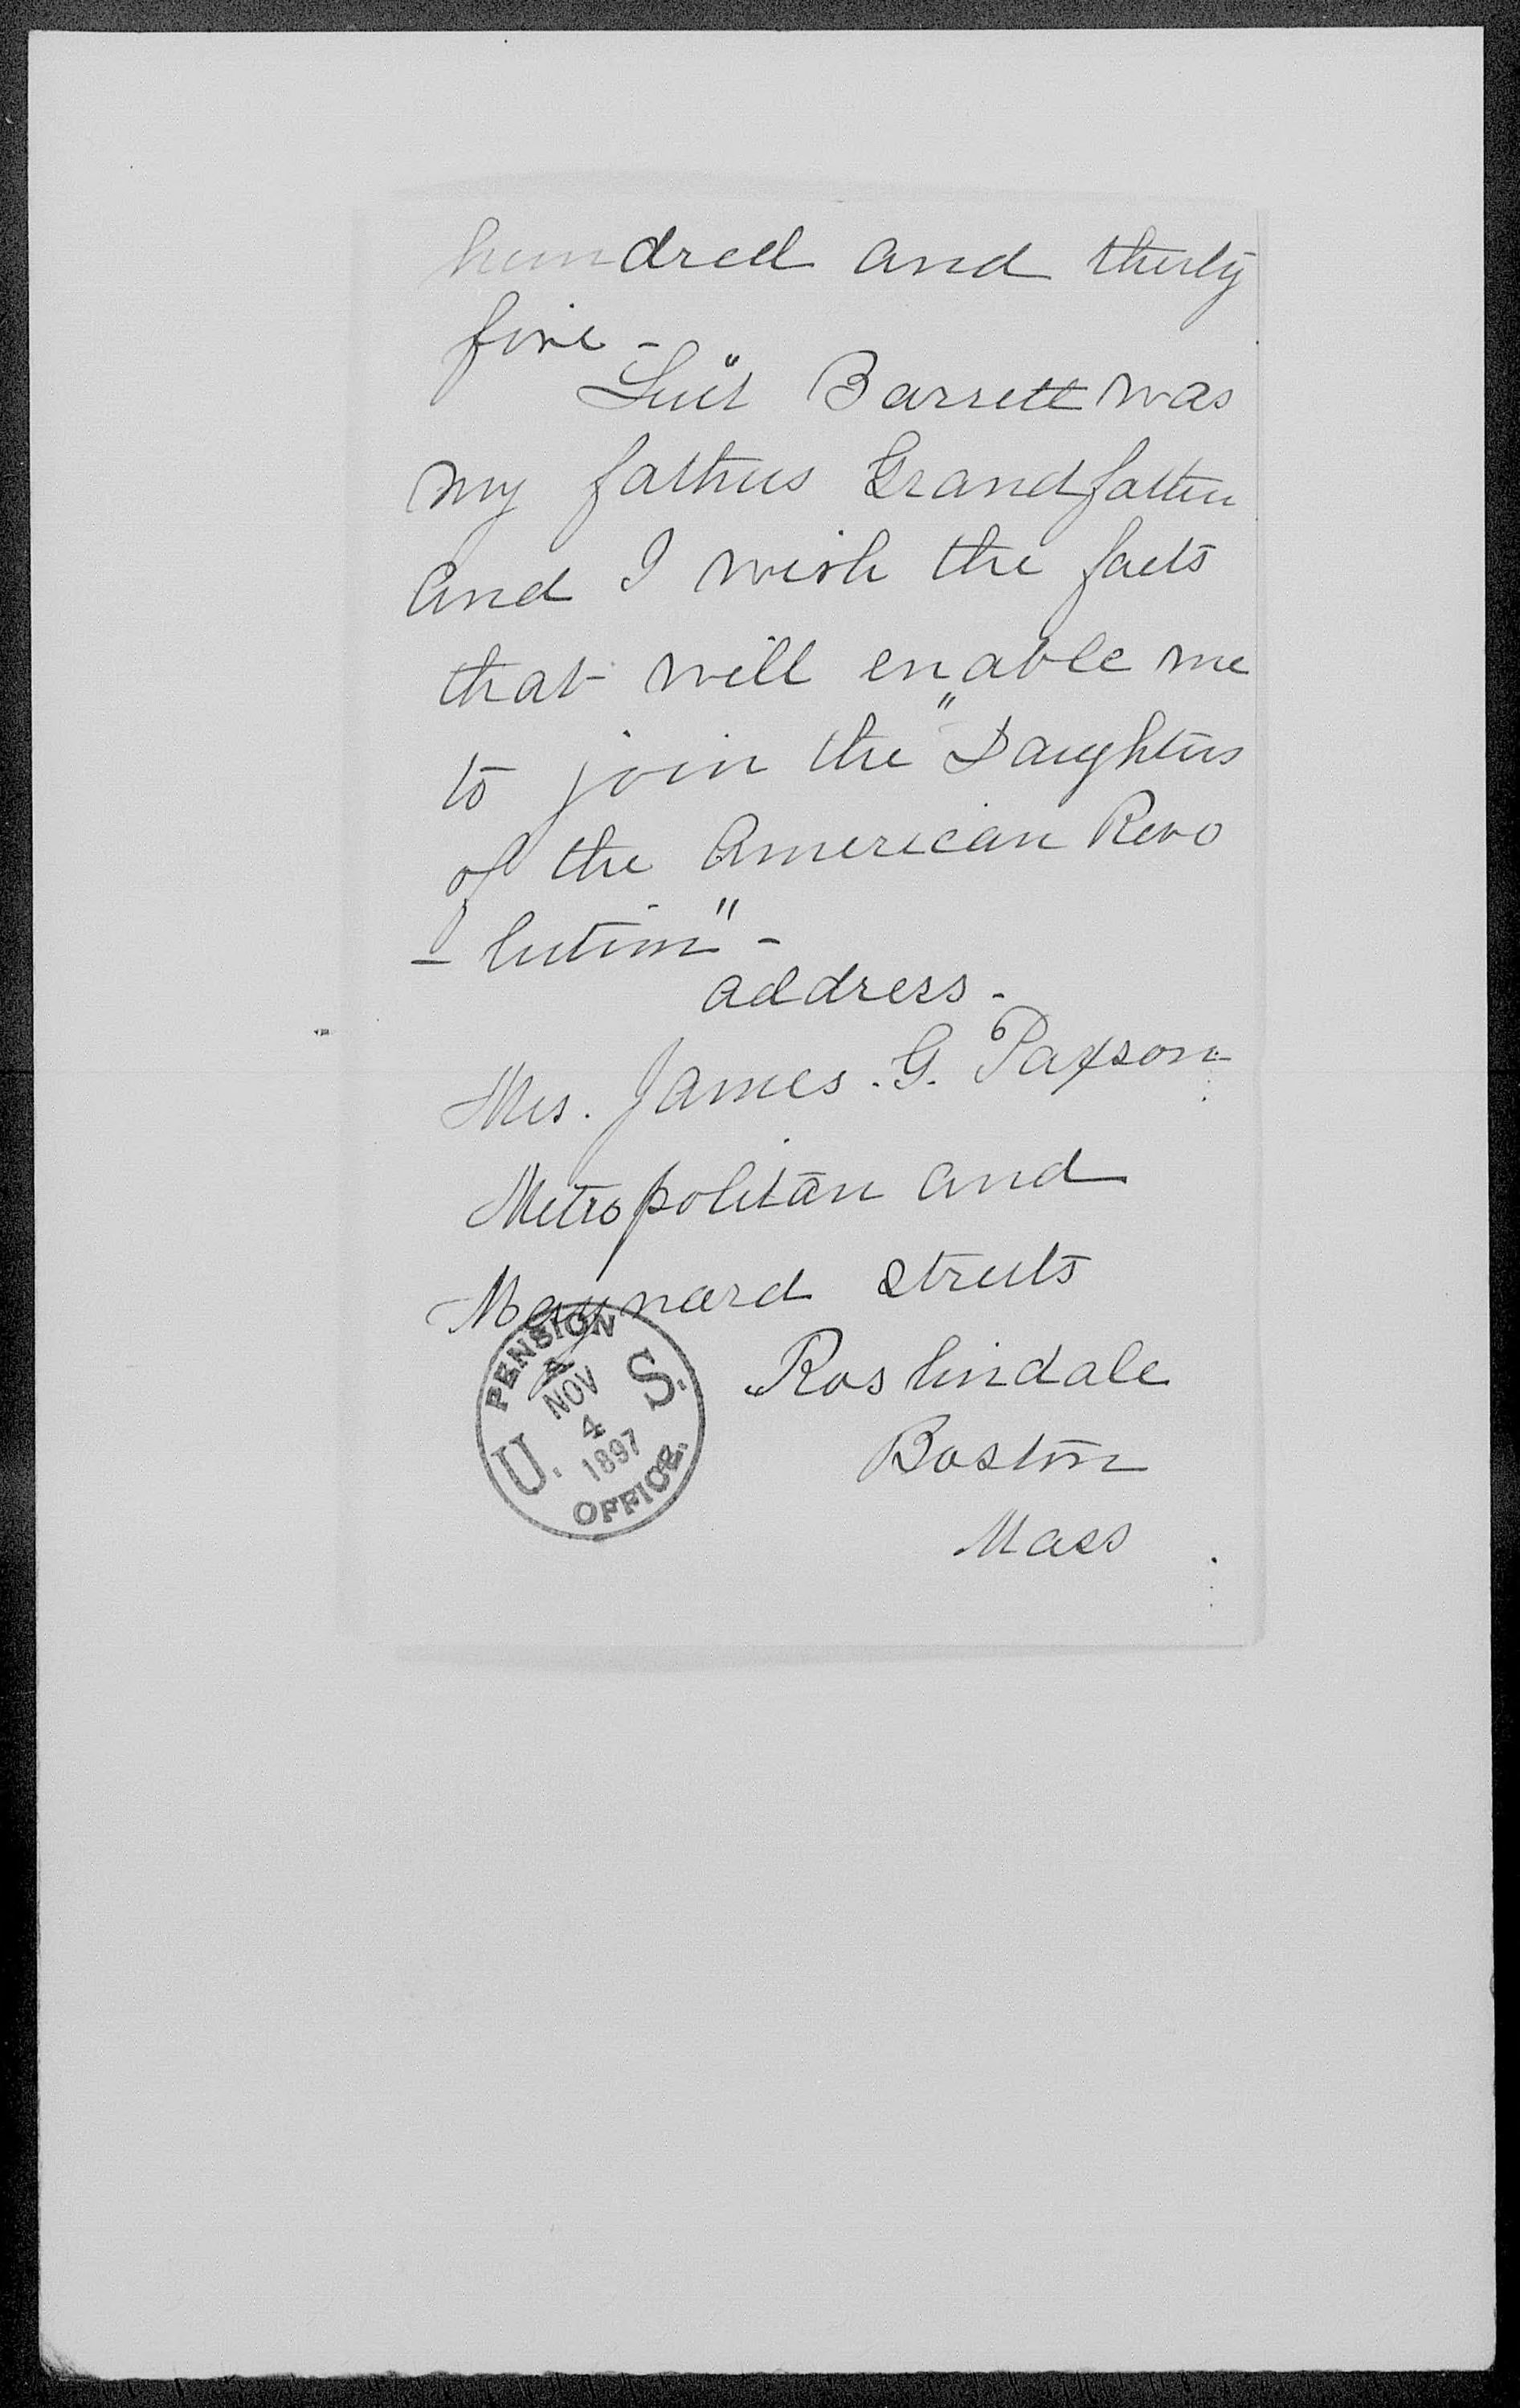hundred and thirty five. 
Lieuty. Barrett was my fathers grandfather and I wish the facts will enable me to join the "Daughters of the American Revolution"
Address:
Mrs. James G. Paxson
Metropolitan and
Maynard Streets
Roslindale
Boston 
Mass

Pension 
Office
US
Nov 4 1897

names: James G Paxson, Barrett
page: 69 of 83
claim: widow's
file: W. 10,384, Oliver Barrett, Continental (Vt.) N.Y.